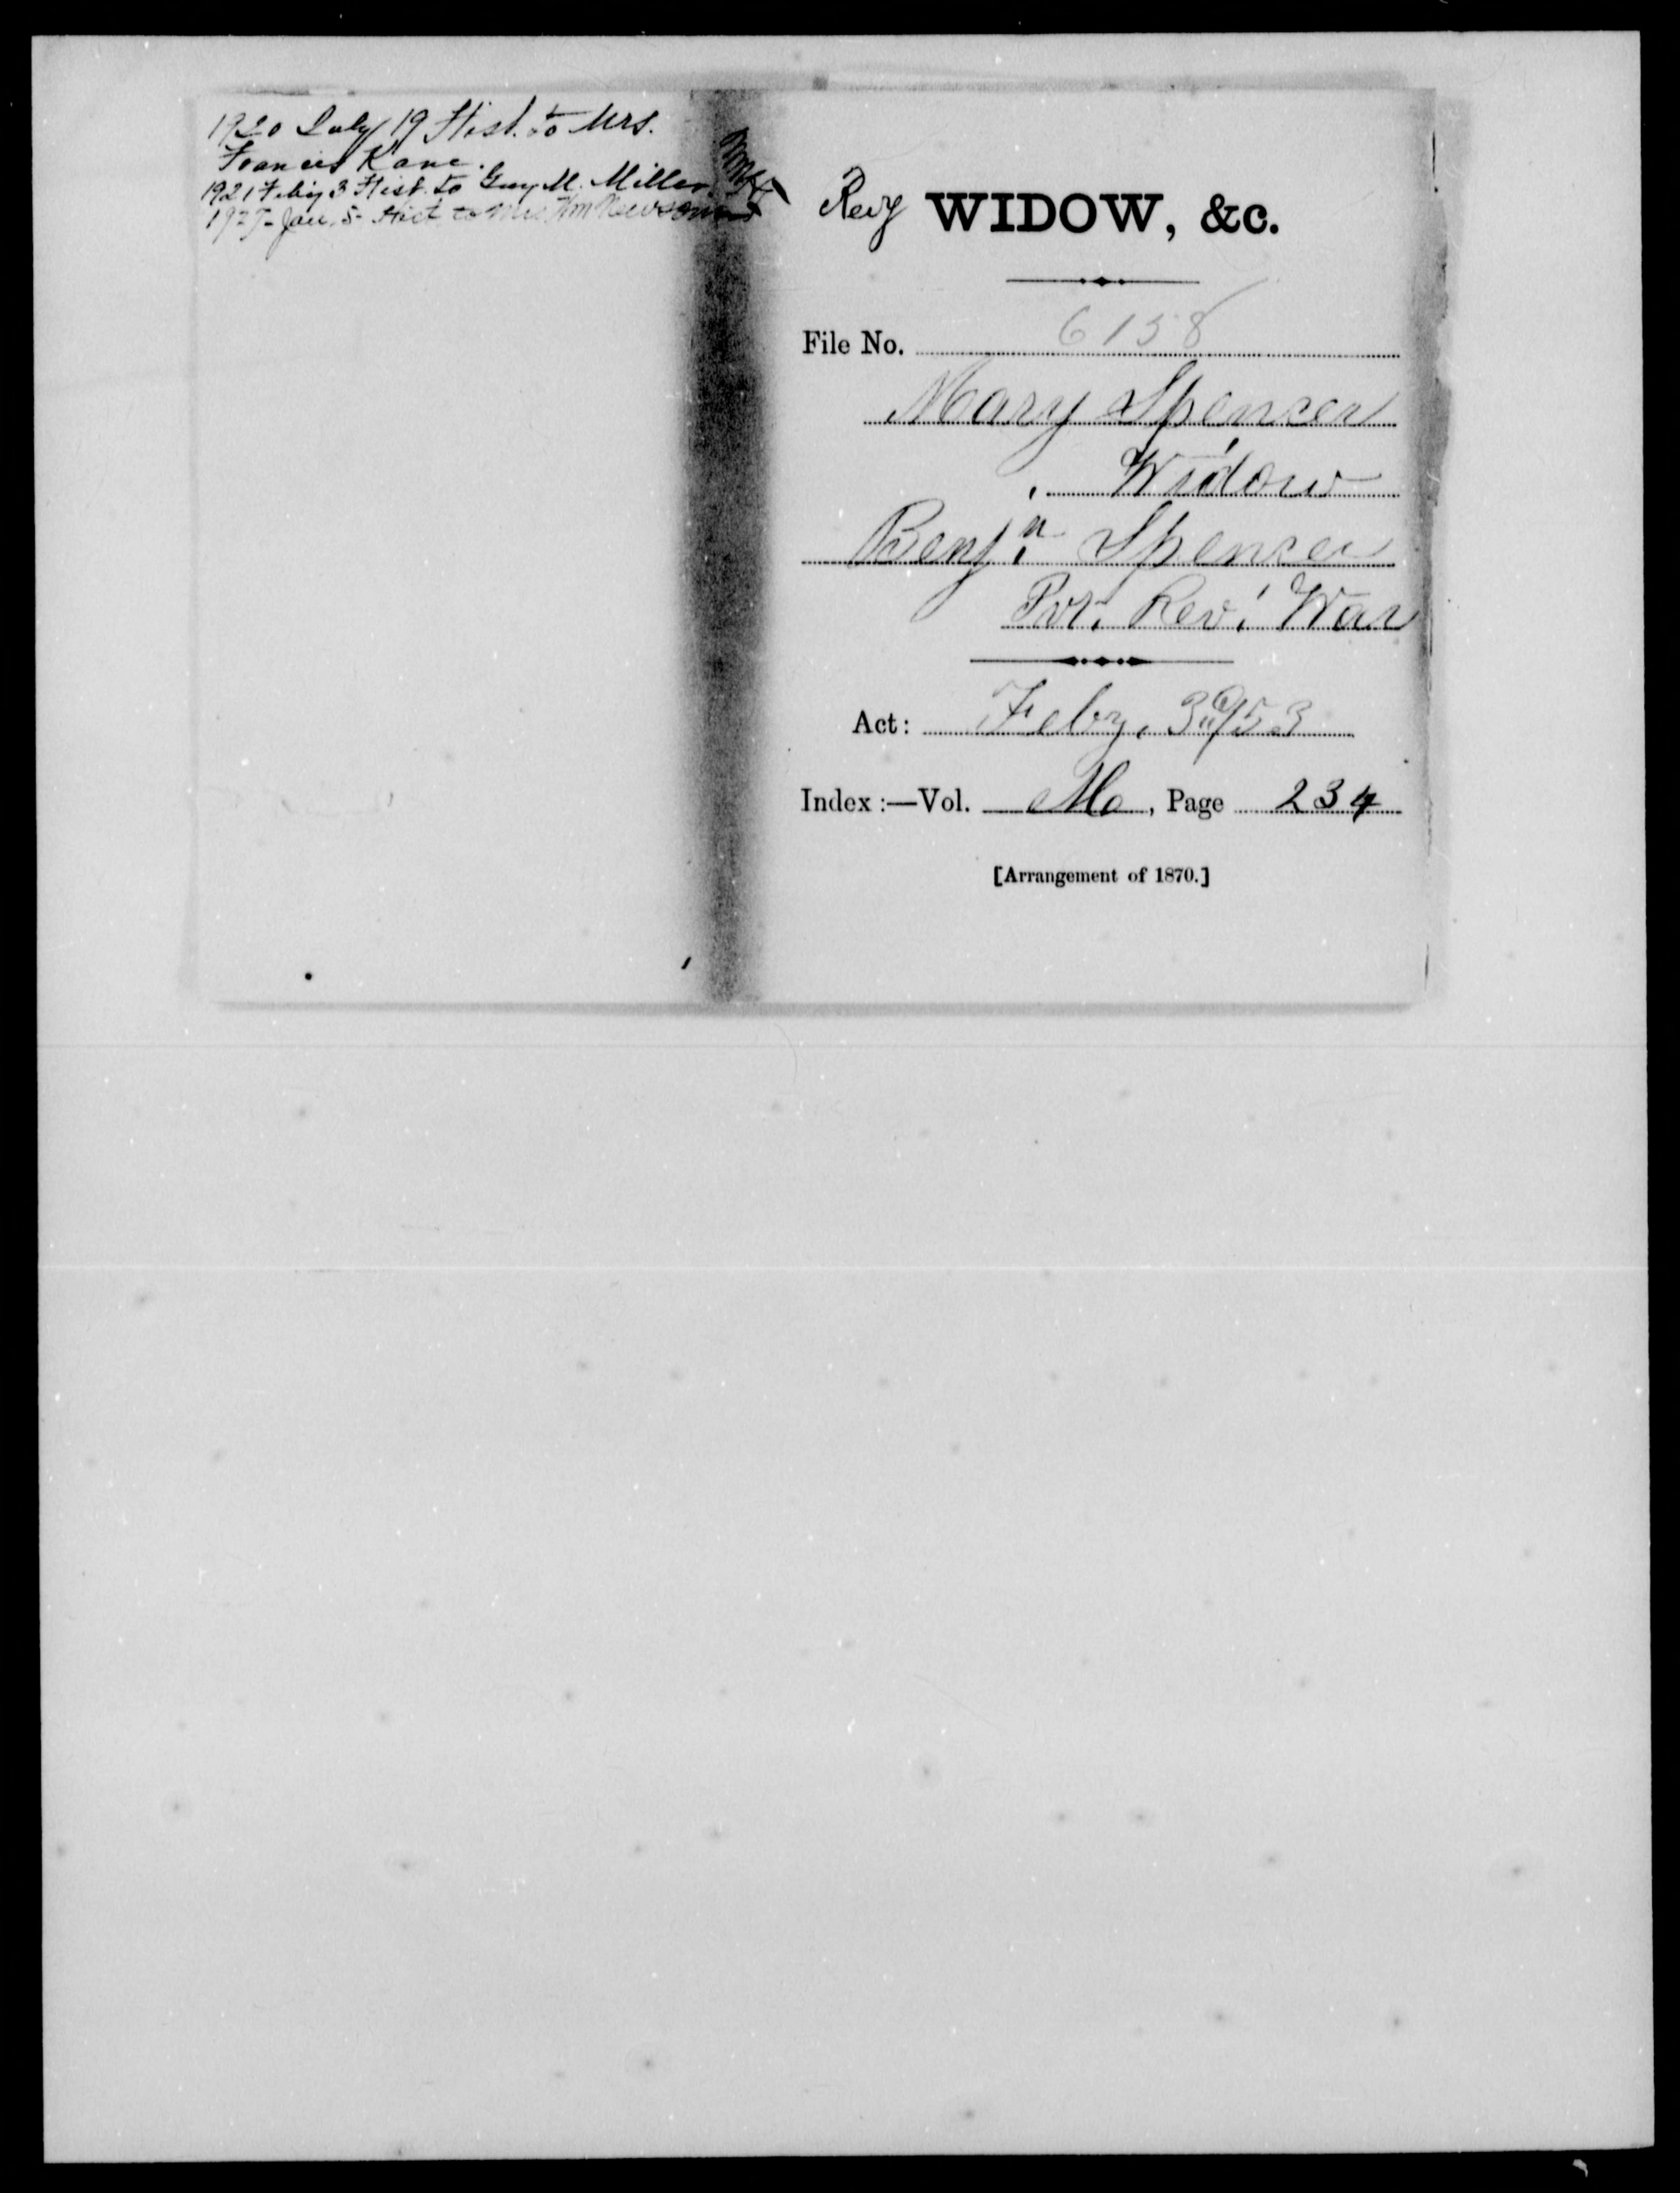1920 July 19 Hist to Mrs. Francis Kane
1921 Feb'y. 3 Guy M. Miller
1927 Jan 5. Hist to Mrs. Wm. Newson

Revy WIDOW, &c.
File No. 6158

Mary Spencer
Widow
Benja'n Spencer
Pr. Rev. War
-
---
Act: Feby, 23rd/53
Index:--Vol. M, Page 234
{Arrangement of 1870.}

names: Mary Spencer; Benjn Spencer; Wm Newsom; Francis Kane; Guy M Miller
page: 24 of 63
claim: widow's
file: W. 6158, for Benjamin Spencer, North Carolina